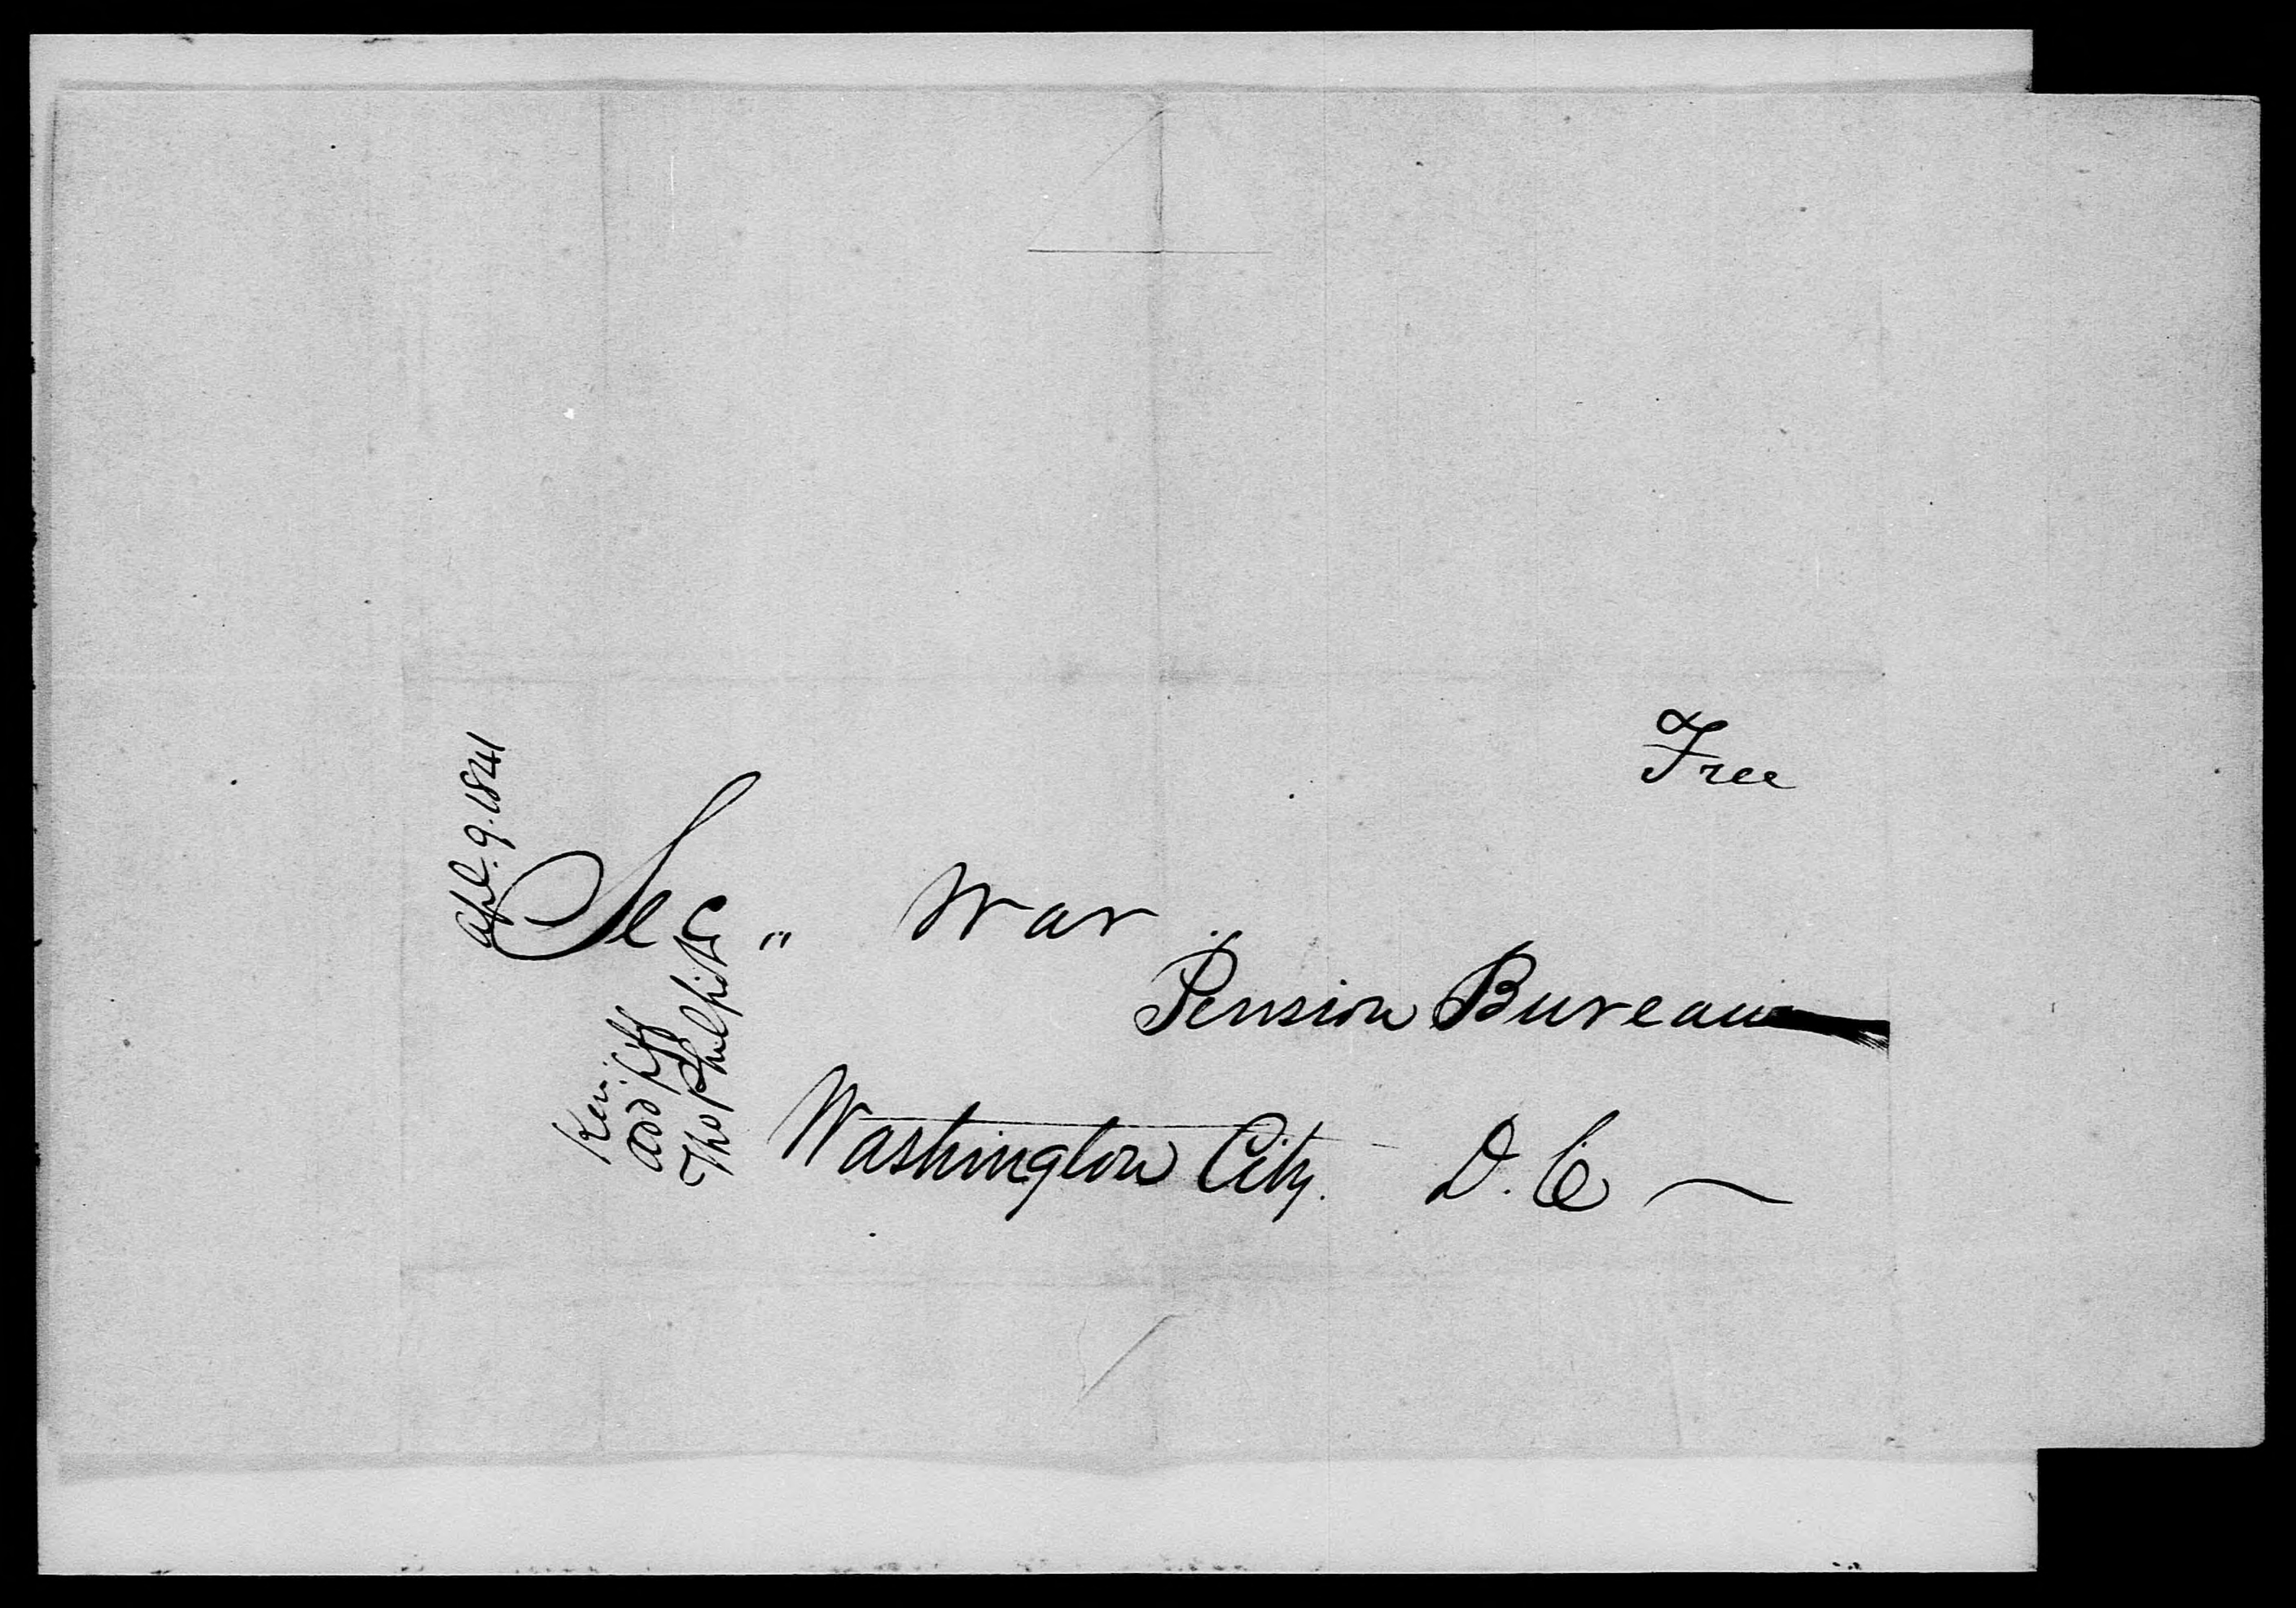April 9 1841
Ken
add affd
Thos Philpot
Free
Sec of War
Pension Bureau
Washington City DC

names: Tho Philpot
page: 36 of 43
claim: rejected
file: R. 8217, for Thomas Philpot, South Carolina